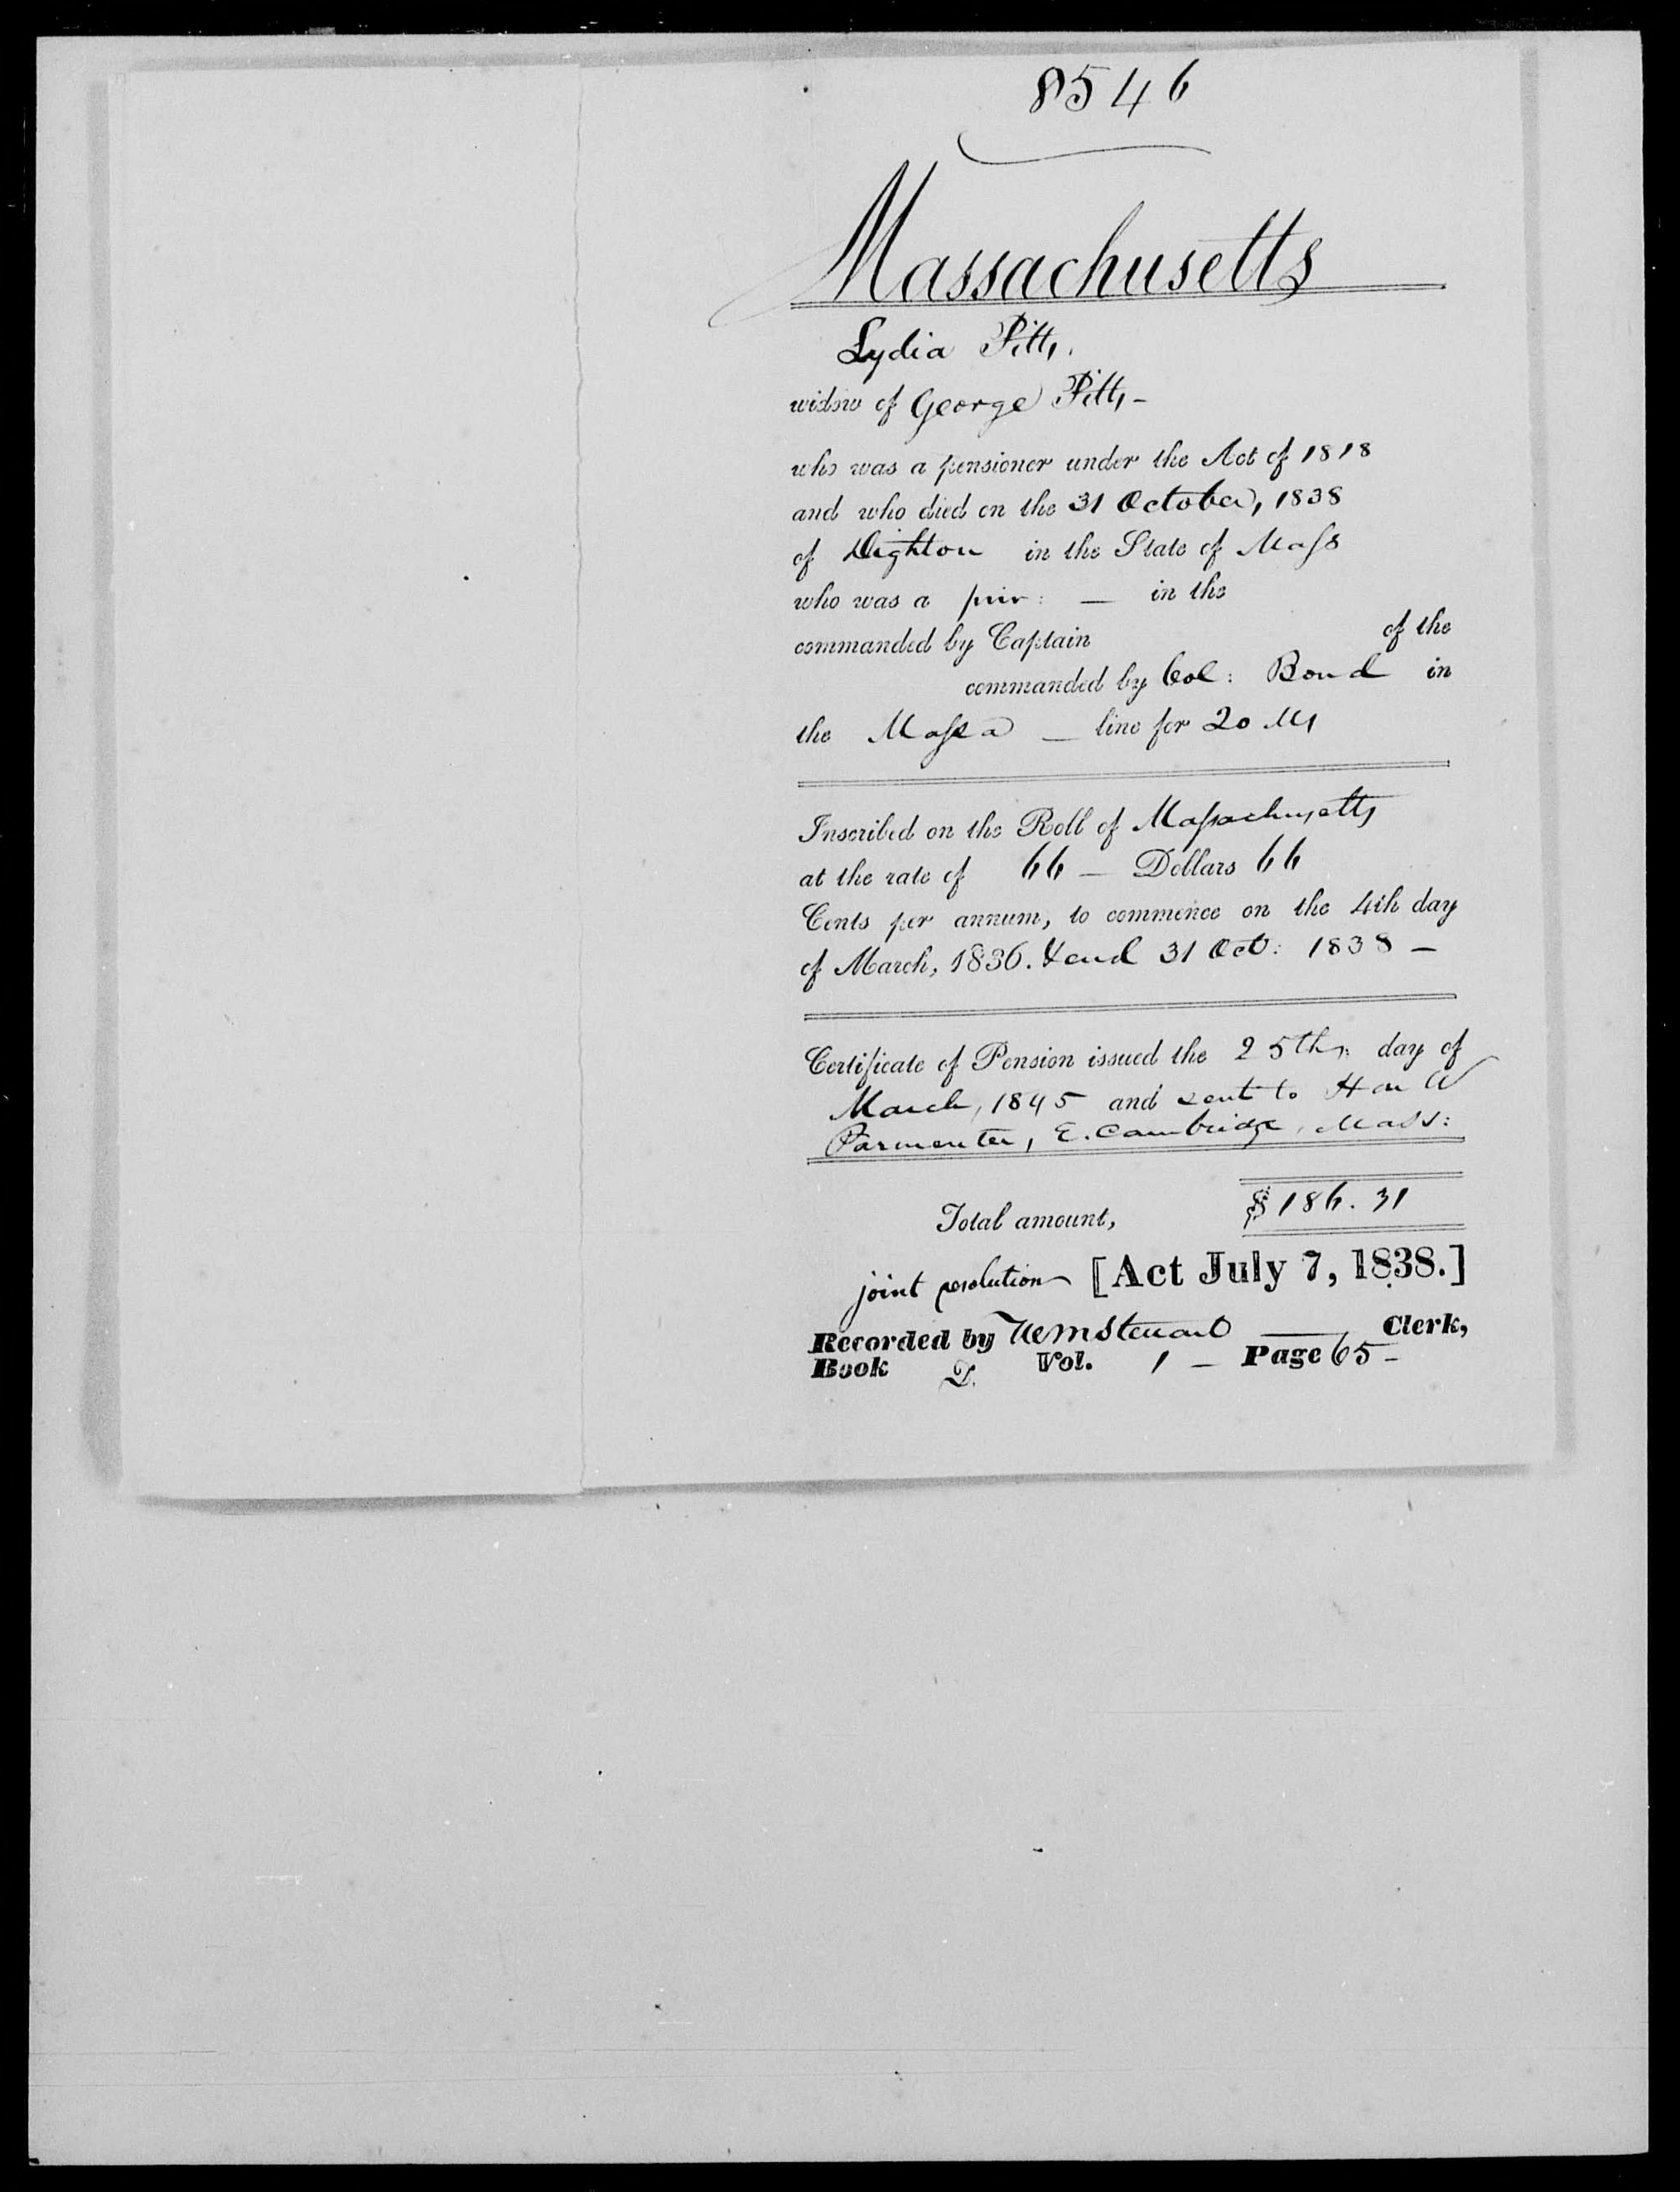8546
Massachusetts
Lydia Pitts widow of George Pitts who was a pensioner under the Act of 1818 and who died on the 31 October, 1838 of Dighton in the State of Mass who was a private the [left blank]
commanded by Captain [left blank]
of the [left blank]
commanded by Col. Bond in the Mass.
line for 20 mos.
Inscribed on the Roll of Massachusetts
at the rate of 66 Dollars 66
Cents per annum, to commence on the 4th day
of March, 1836. and end 31 Oct. 1838-
Certificate of Pension issued the 25th day of
March, 1845 and sent to Hon. W. Parmenter, E. Cambridge, Mass
Total amount, $186.31
joint resolution (Act July 7, 1838.)
Recorded by W.M. Stewart Clerk,
Book D Vol. 1 Page 65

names: W Parmenter; Lydia Pitts; George Pitts; W M Steuart; [BLANK] Bond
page: 21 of 54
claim: widow's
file: W. 26,897, for George Pitts, Massachusetts